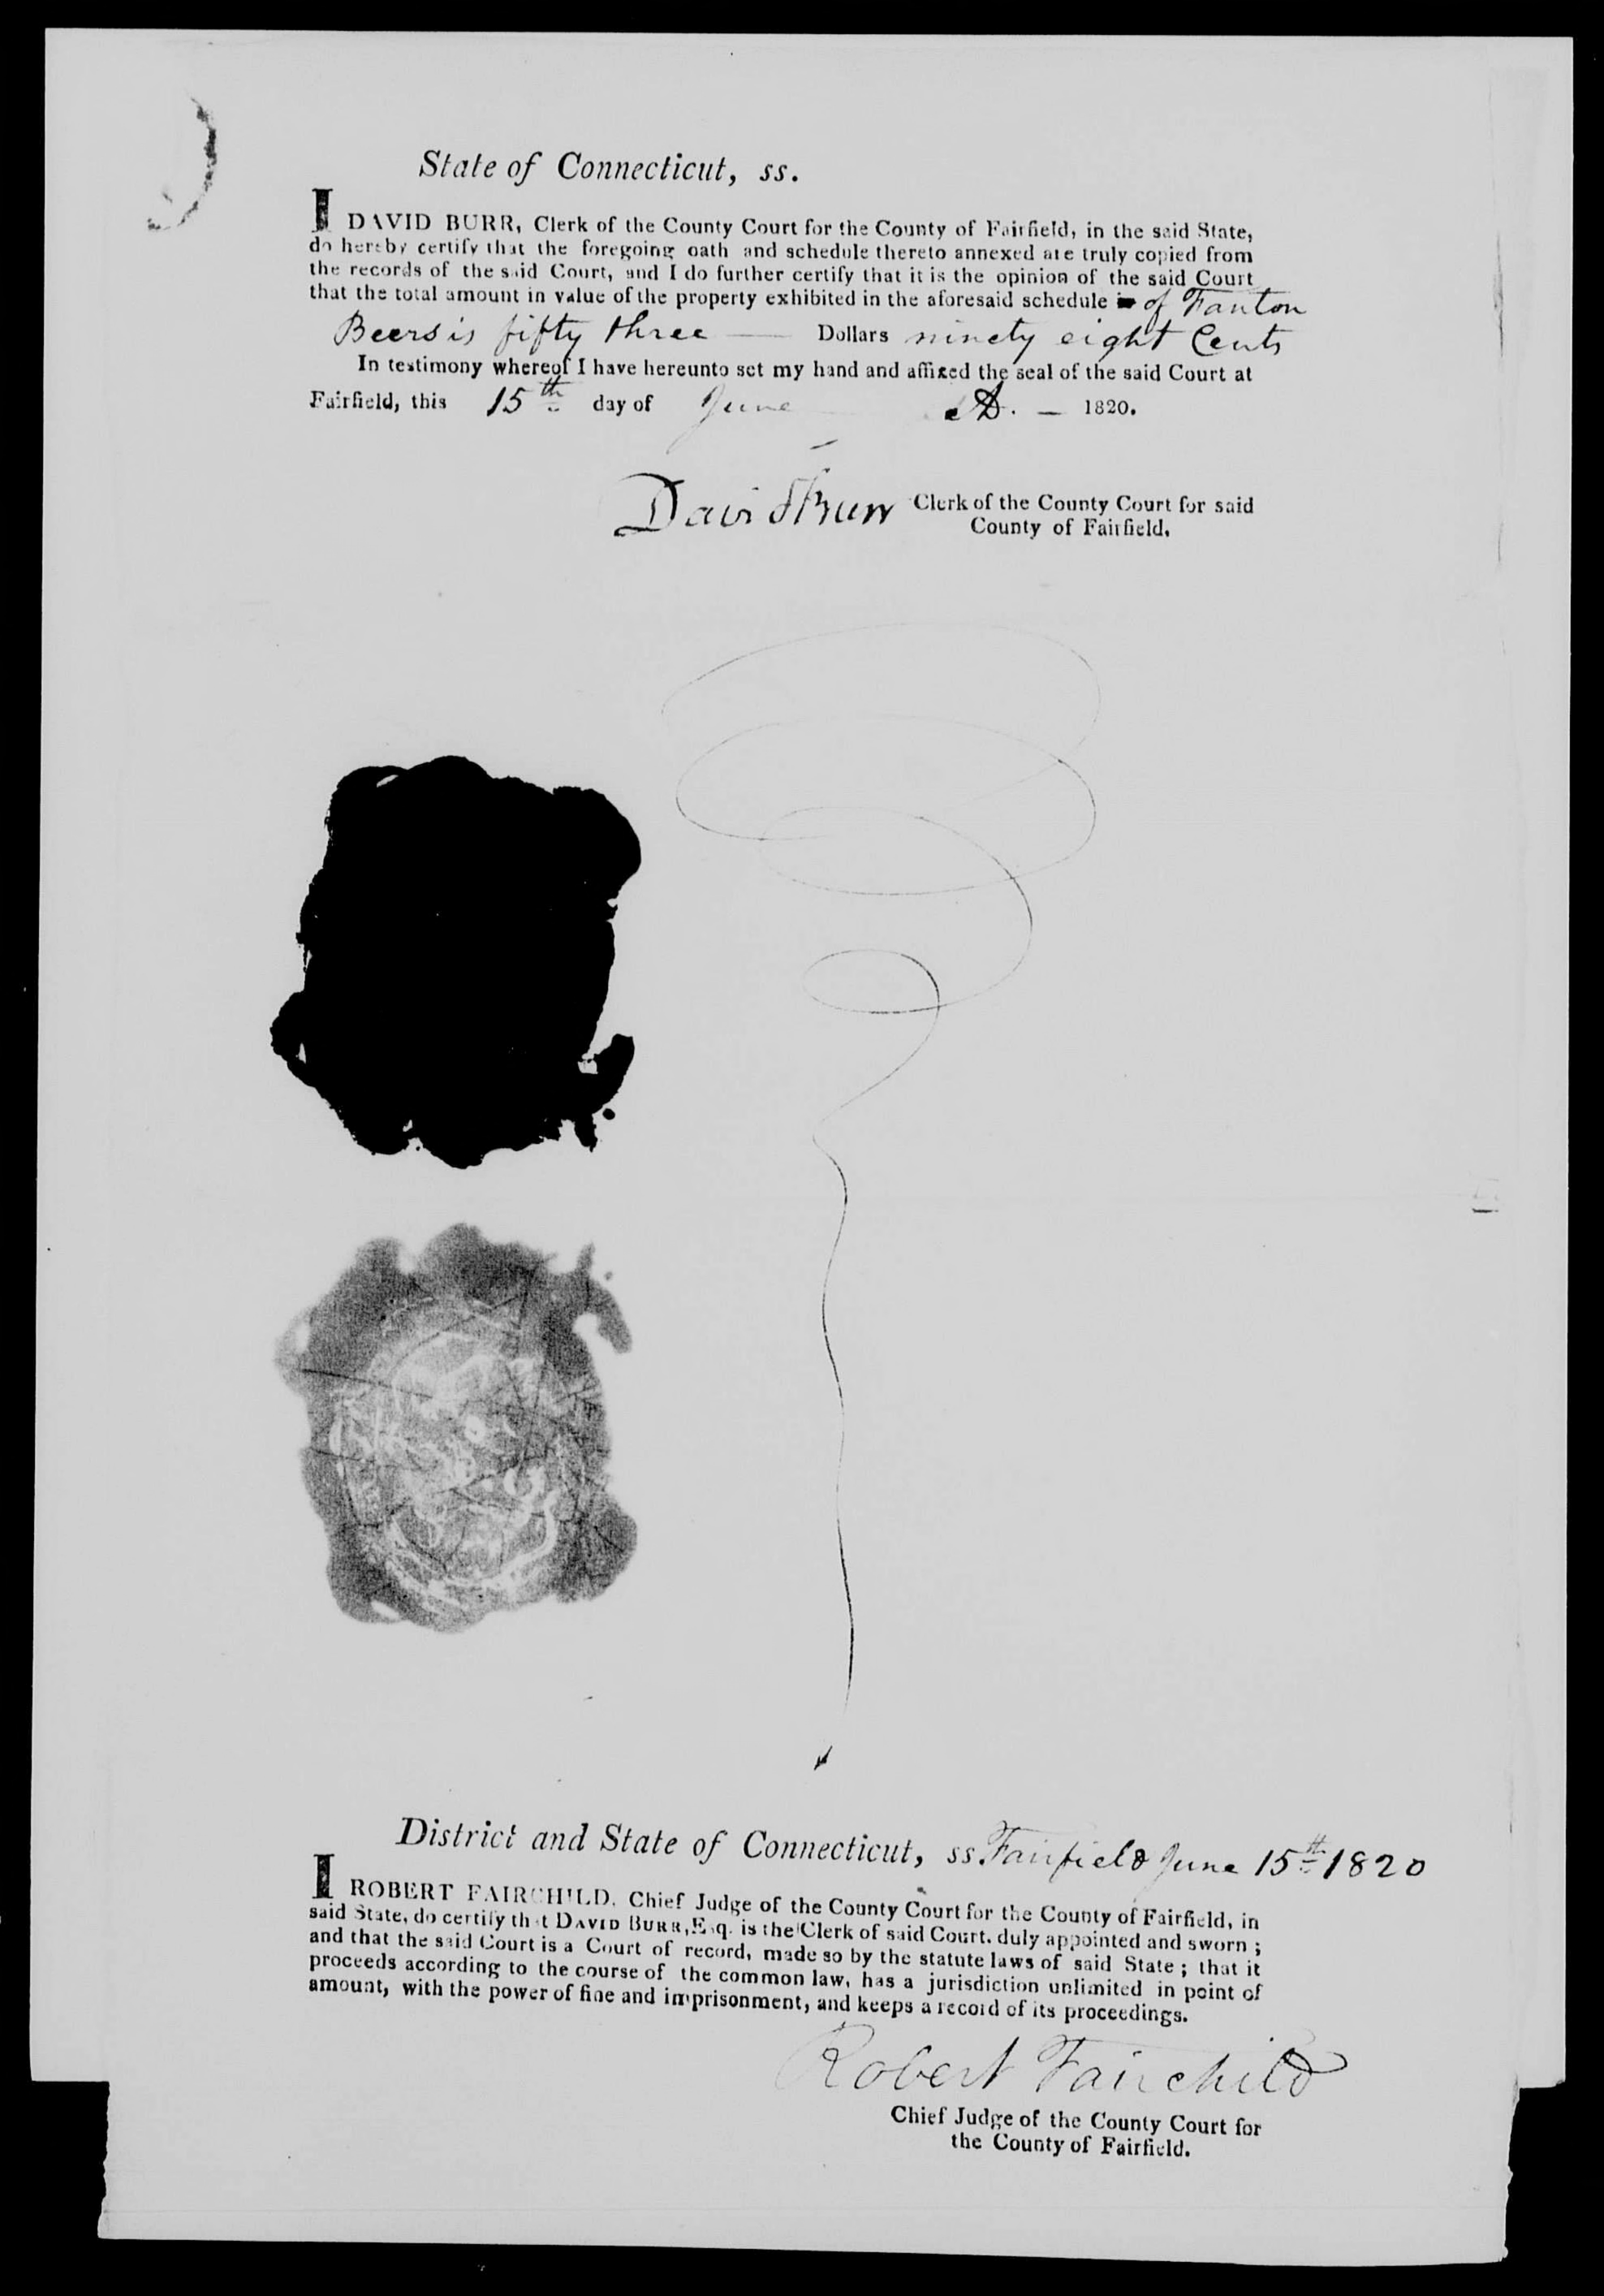State of Connecticut, ss.

 I DAVID BURR,  Clerk of the County Court for the County of Fairfield, in the said State do hereby certify that the foregoing oath and schedule thereto annexed are truly copied from the records of the said Court, and I do further certify that it is the opinion of the said Court that the total amount in value of the property exhibited in the aforesaid schedule of Fanton Beers is fifty three Dollars ninety eight cents. 
  In testimony whereof I have hereunto set my hand and affixed the seal of the said Court at Fairfield, this 15th day of June AD 1820.

David Burr
Clerk of the County Court for 
County of Fairfield






District and State of Connecticut, Ss. Fairfield June 15, 1820

I ROBERT FAIRCHILD. Chief Judge of the County Court for the County of Fairfield, in said State, do certify that David Burr, Esq. is the Clerk of said Court. duly appointed and sworn; and that the said Court is a Court of record,  made so by the statute laws of said State; that it proceeds according to the course of the common law, has a jurisdiction unlimited in point of amount, with the power of fine and imprisonment, and keeps a record of its proceedings.
Robert Fairchield
Chief Judge of the County Court for
the County of Fairfield.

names: David Burr, Fanton Beers, David Burr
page: 22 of 23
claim: survivor's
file: S. 37,750, Fanton Beers, Conn.